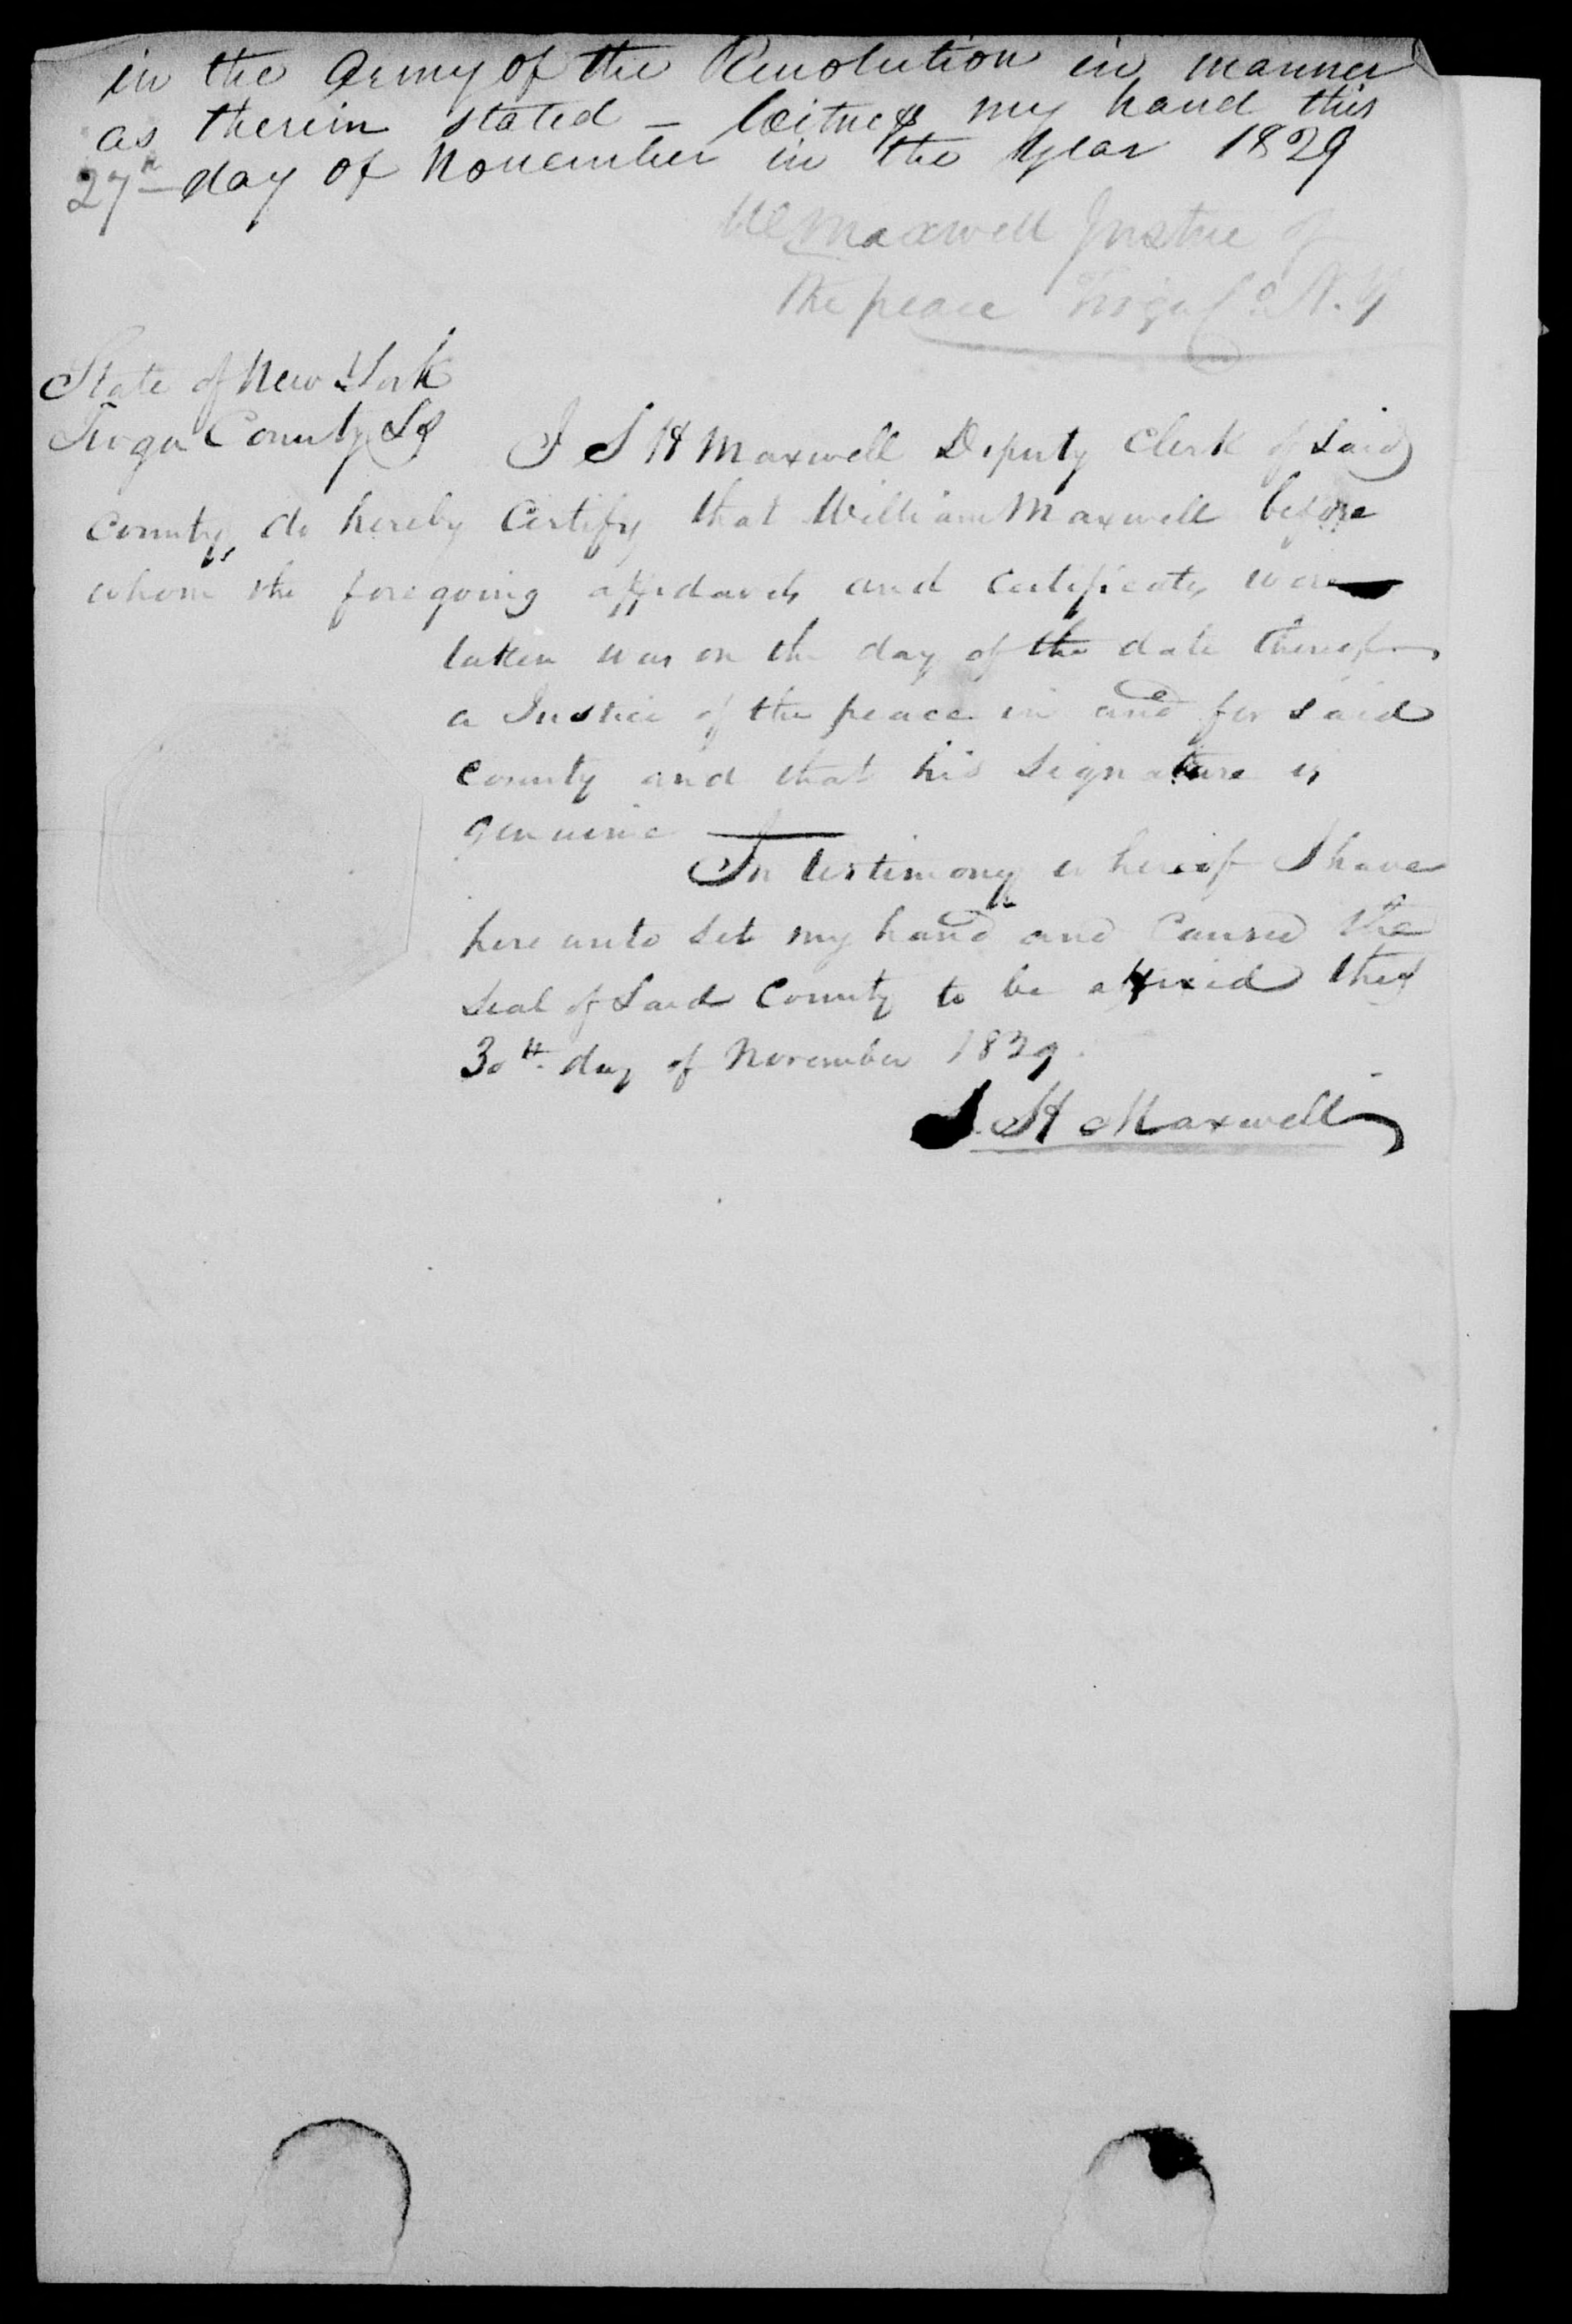[handwritten]
in the Gemy of the Revolution in Maunes as therein stated - loitue [illegible] my hand this 27 - day of November in the year 1829
Mr. Maxwell Justue of The Peace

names: William Maxwell, S H Maxwell, S H Maxwell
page: 34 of 40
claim: rejected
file: R. 1,570, Samuel Culver, New Jersey